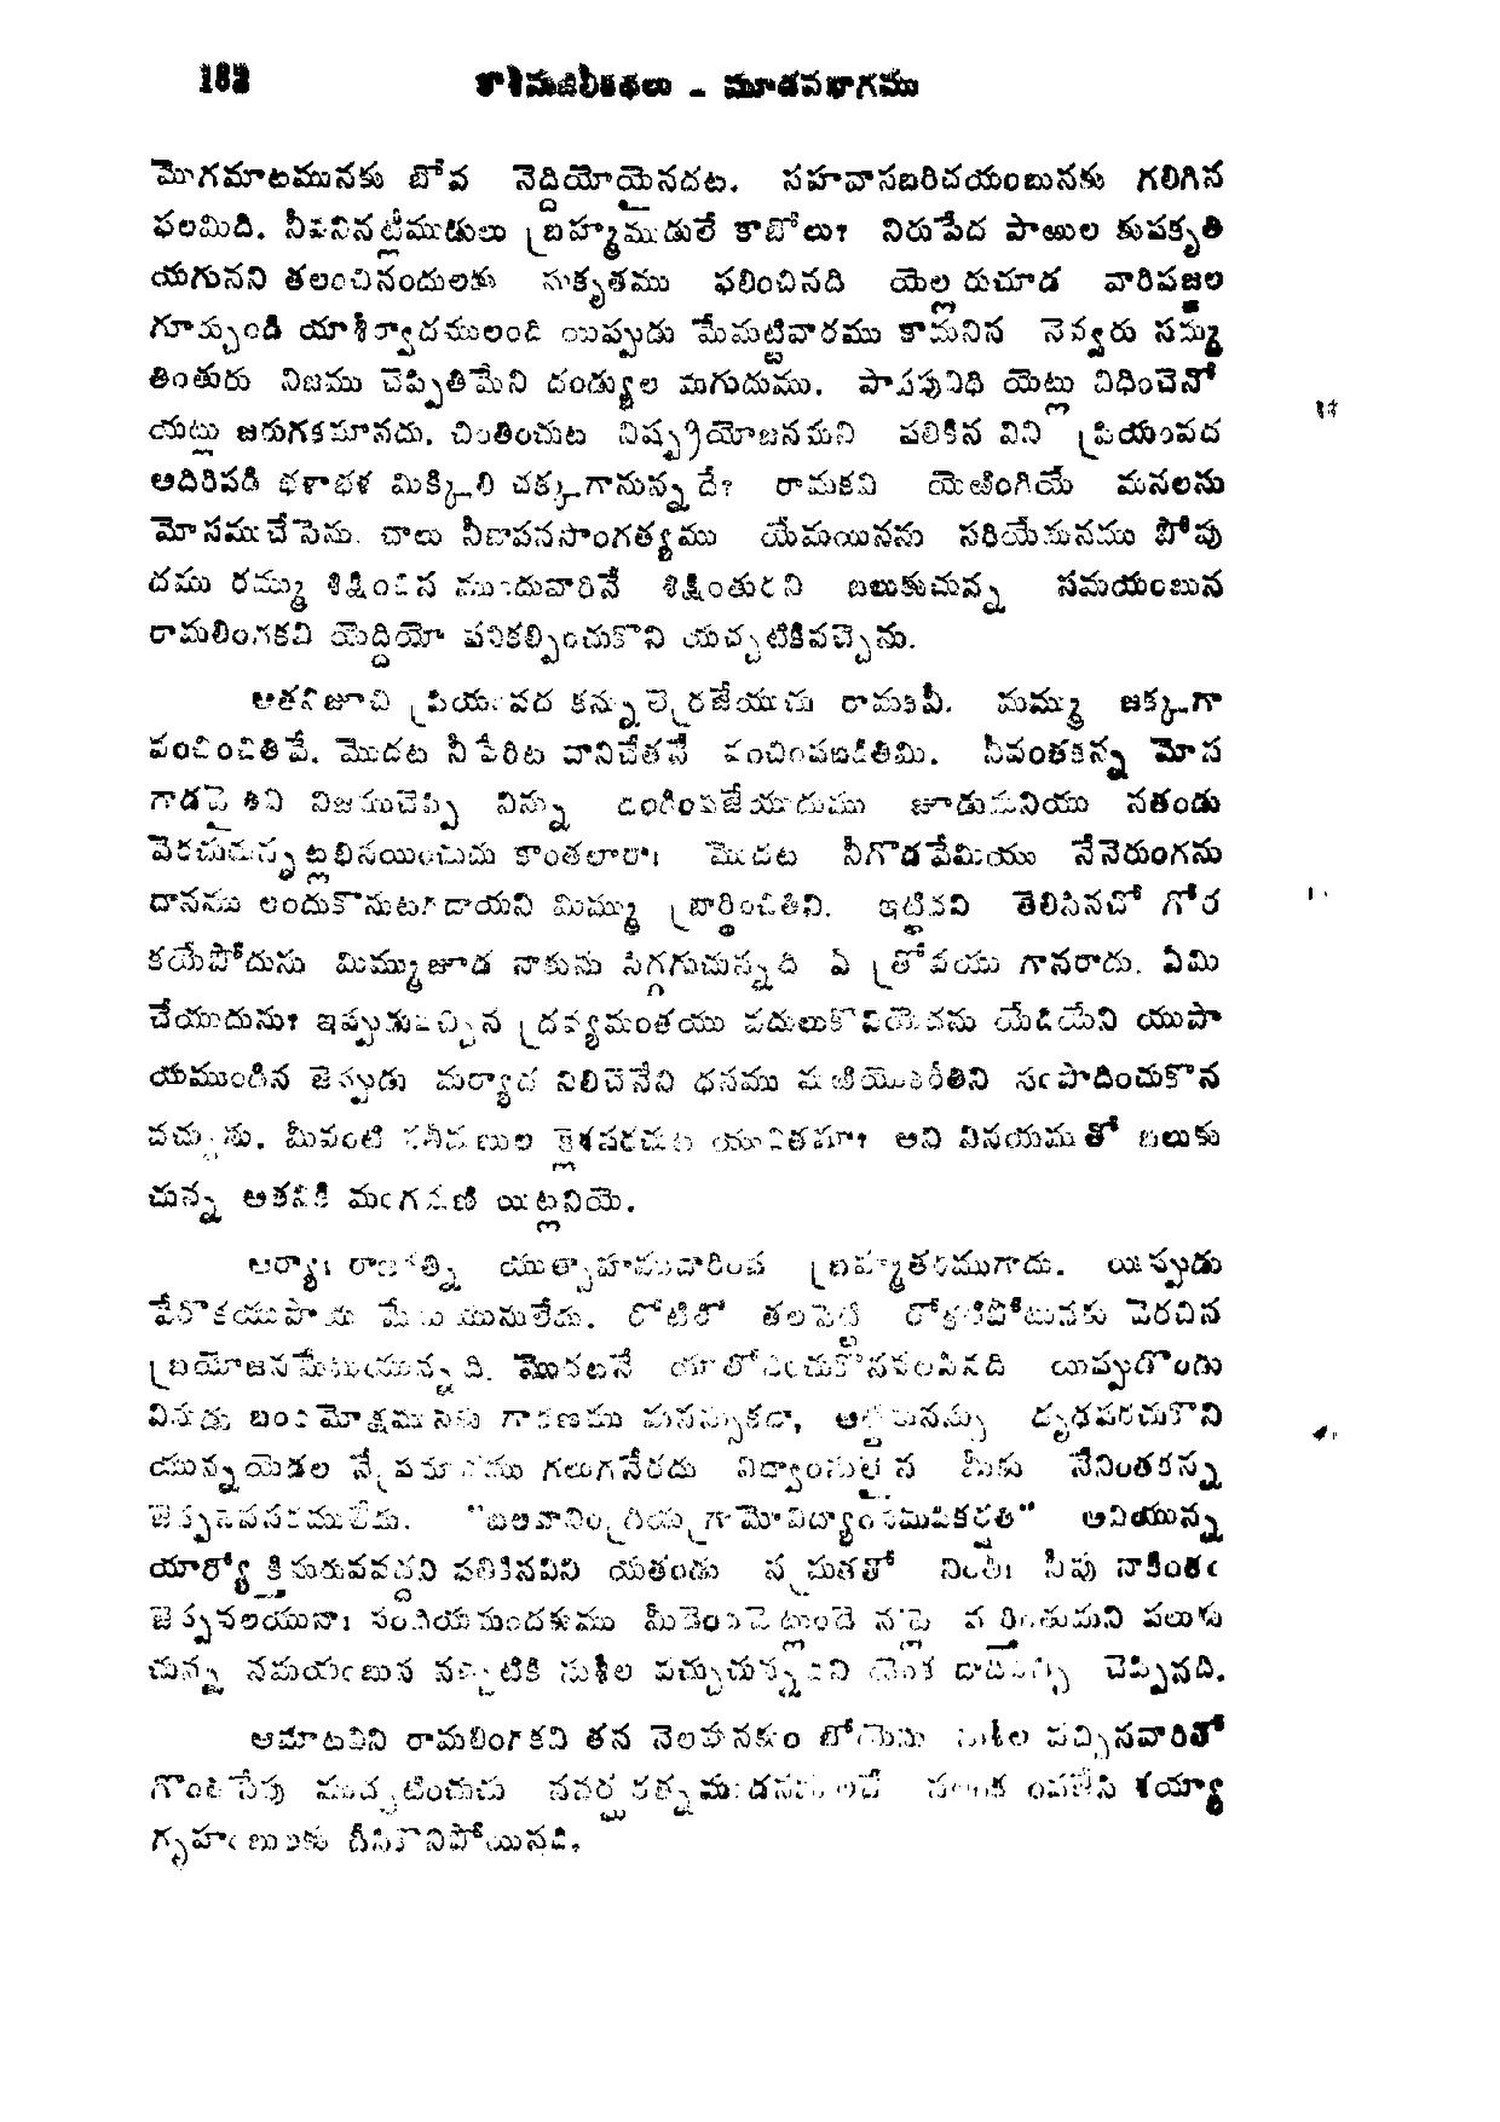మొగమాటమునకు బోవ నెద్దియోయైనదట. సహవాసబరిచయంబునకు గలిగిన ఫలమిది. నీవనిన ట్లీముడులు బ్రహ్మముడులే కాబోలు? నిరుపేద పాఱుల కుపకృతి యగునని తలంచినందులకు సుకృతము ఫలించినది యెల్లరుచూడ వారిపజ్జల గూర్చుండి యాశీర్వాదములంది యిప్పుడు మేమట్టివారము కామనిన నెవ్వరు సమ్మతింతురు నిజము చెప్పితిమేని దండ్యుల మగుదుము. పాపపువిధి యెట్లు విధించెనో యట్లు జరుగకమానదు. చింతించుట నిష్ప్రయోజనమని పలికిన విని ప్రియంవద అదిరిపడి భళాభళ మిక్కిలి చక్కగానున్న దే? రామకవి యెఱింగియే మనలను మోసముచేసెను. చాలు నీబాపనసాంగత్యము యేమయినను సరియే మనము పోవుదము రమ్ము శిక్షించిన ముందువారినే శిక్షింతురని బలుకుచున్న సమయంబున రామలింగకవి యెద్దియో పనికల్పించుకొని యచ్చటికి వచ్చెను.

ఆతని జూచి ప్రియంవద కన్నులెర్రజేయుచు రామకవీ! మమ్ము జక్కగా వంచించితివే. మొదట నీ పేరిట దానిచేతనే వంచింపబడితిమి. నీవంతకన్న మోసగాడవైతివి నిజముచెప్పి నిన్ను దండింపజేయుదుము జూడుమనియు నతండు వెరచుచున్న ట్లభినయించుచు కాంతలారా! మొదట నీగొడవేమియు నేనెరుంగను దానము లందుకొనుటగదాయని మిమ్ము బ్రార్థించితిని. ఇట్టిదవి తెలిసినచో గోరకయేపోదును మిమ్ముజూడ నాకును సిగ్గగుచున్నది. ఏ త్రోవయు గానరాదు. ఏమి చేయుదును? ఇప్పుడువచ్చిన ద్రవ్యమంతయు వదులుకొనియెదను యేదియేని యుపాయముండిన జెప్పుడు మర్యాద నిలిచెనేని ధనము మఱియొకరీతిని సంపాదించుకొనవచ్చును. మీవంటి సతీమణుల క్లేశపరచుట యుచితమా? అని వినయముతో బలుకుచున్న ఆతనికి మంగమణి యిట్లనియె.

ఆర్యా! రాజపత్ని యుత్సాహము వారింప బ్రహ్మతరముగాదు. యిప్పుడు వేరొకయుపాయ మేమియును లేదు. రోటిలో తలపెట్టి రోకటిపోటునకు వెరచిన బ్రయోజనమేమియున్నది. మొదటనే యాలోచించుకొనవలసినది యిప్పుడొండు వినుడు బంధమోక్షమునకు గారణము మనస్సుకదా, అట్టిమనస్సు దృఢపరచుకొని యున్నయెడల నేప్రమాదము గలుగనేరదు. విద్వాంసులైన మీకు నేనింతకన్న జెప్పనవసరములేదు. "బలవానింద్రియగ్రామోవిద్యాంసమపికర్షతి" అనియున్న యార్యోక్తిమరువవద్దని పలికినవిని యతండు నమ్రతతో నింతీ! నీవు నాకింతఁ జెప్పవలయునా? సందియమందకుము మీడెంద మెట్లుండె నట్లె వర్తింతుమని పలుకుచున్న సమయంబున నచ్చటికి సుశీల వచ్చుచున్నదని యొక దాదివచ్చి చెప్పినది.

ఆమాటవిని రామలింగకవి తన నెలవునకుం బోయెను సుశీల వచ్చినవారితో గొంతసేపు ముచ్చటించుచు ననర్ఘరత్నమండనములచే నలంకరింపజేసి శయ్యాగృహంబులకు దీసికొనిపోయినది.